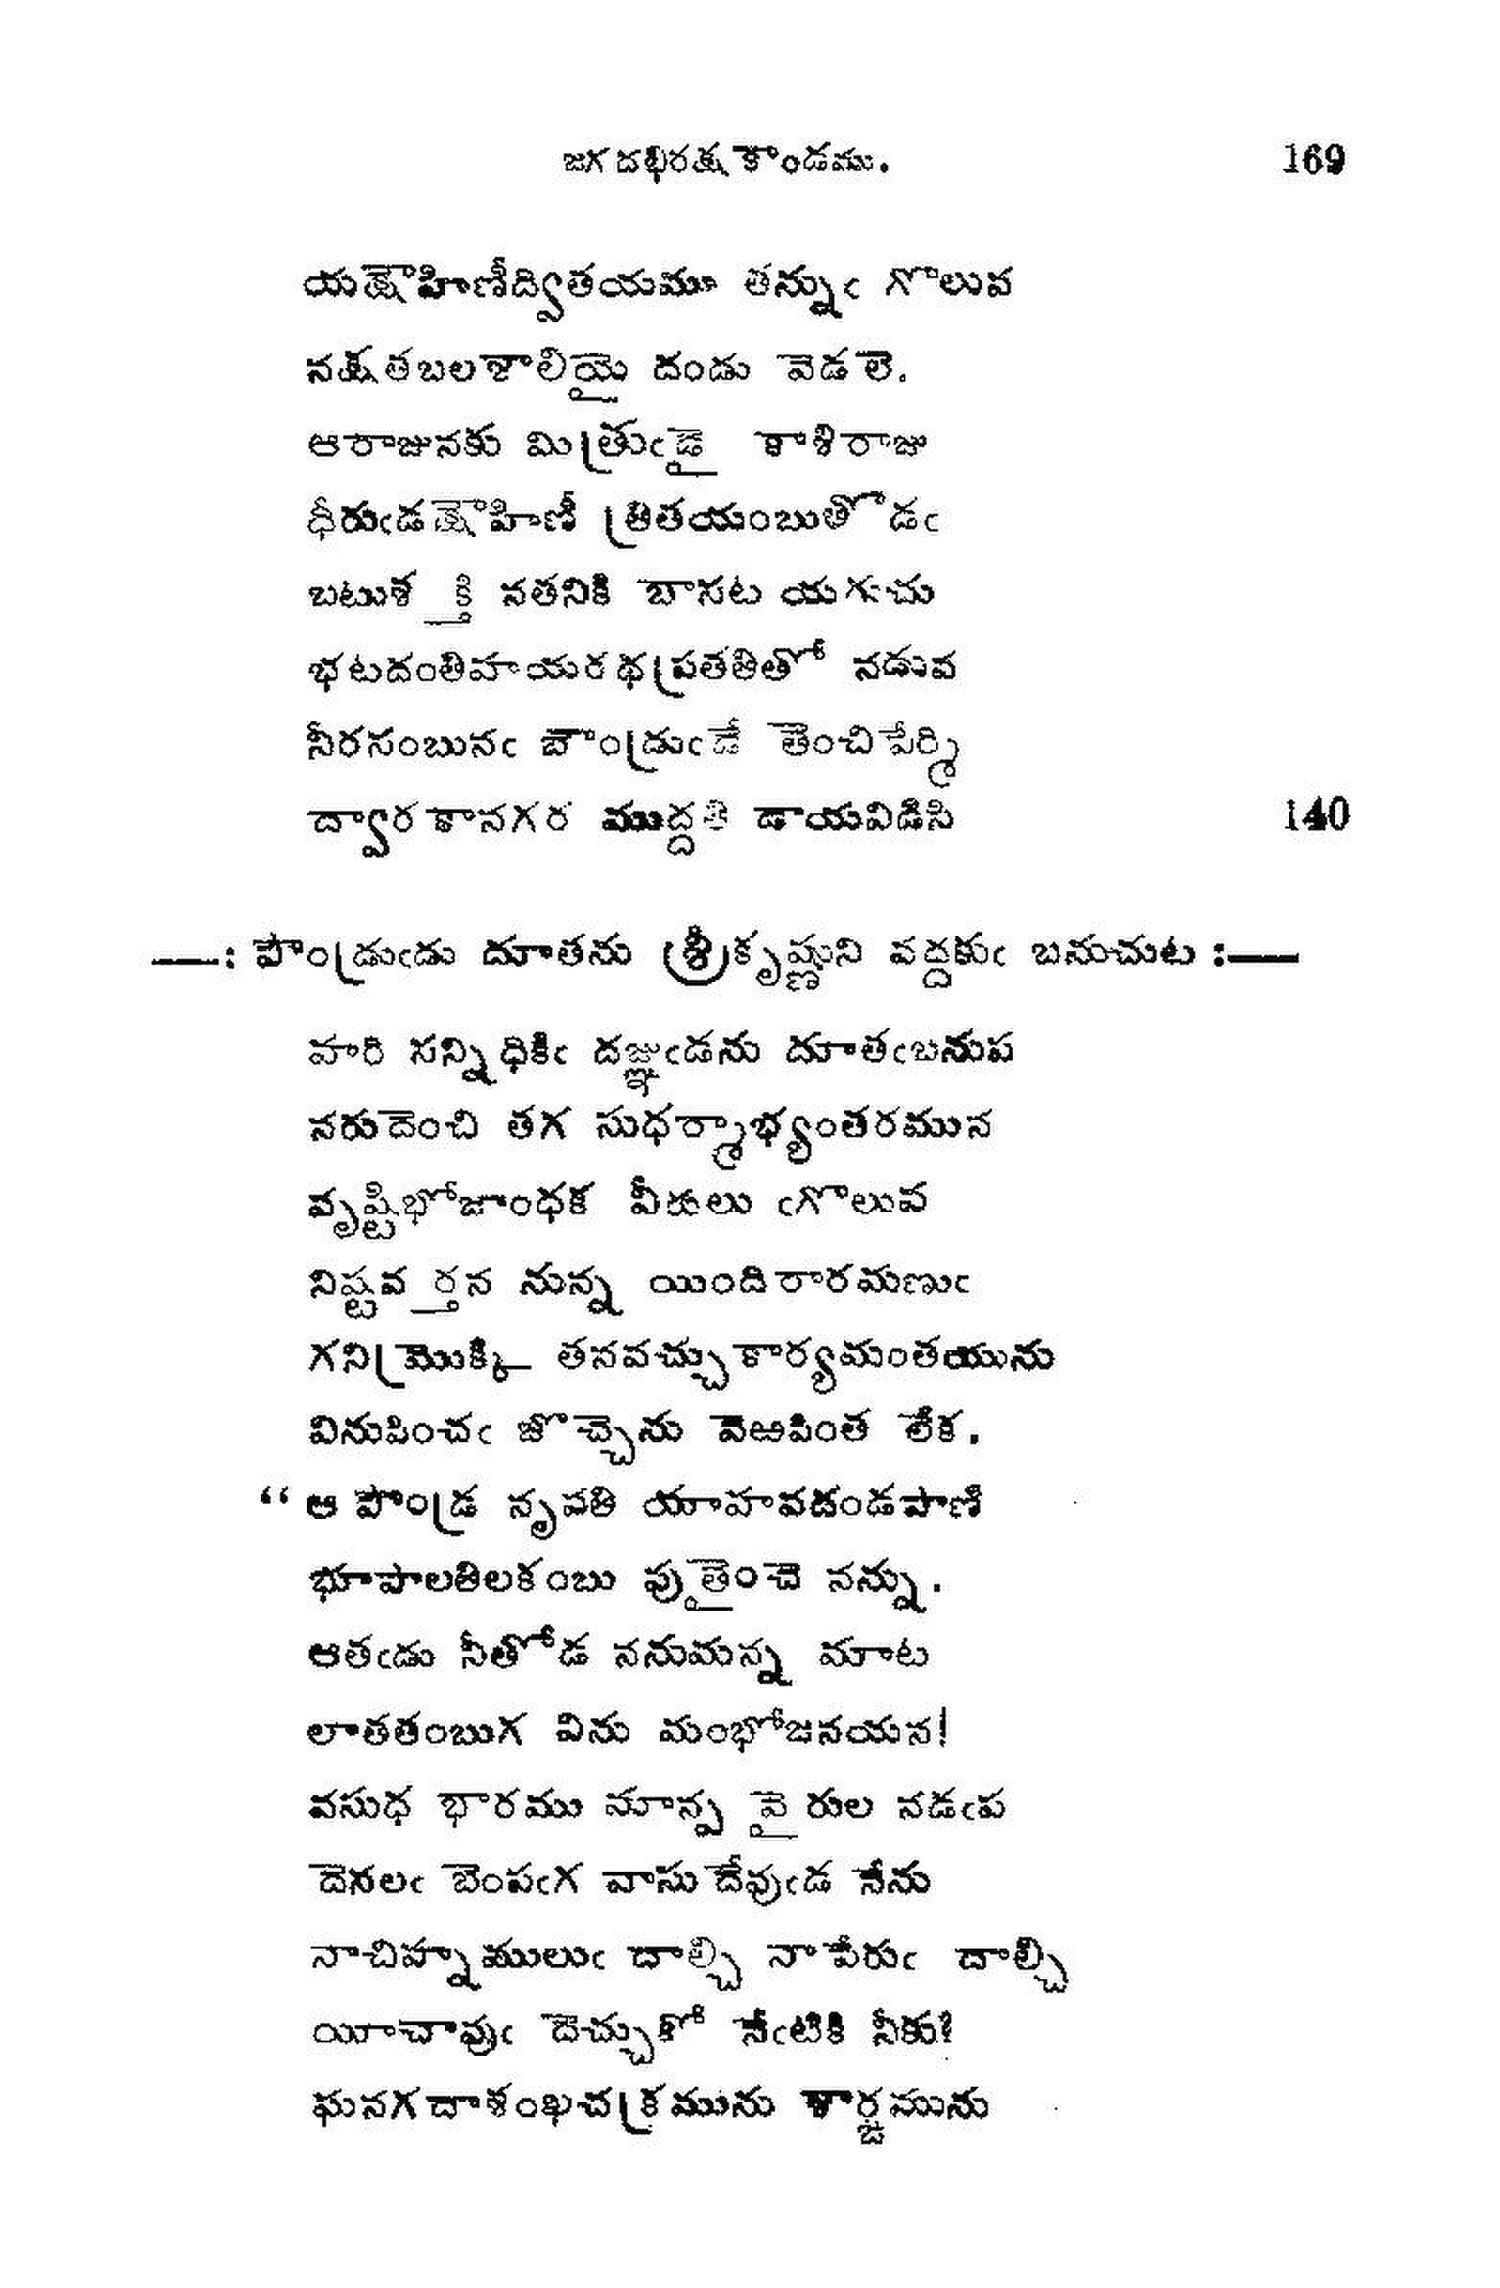యక్షౌహిణీద్వితయము తన్నుఁ గొలువ
నక్షతబలశాలియై దండు వెడలె. 
ఆరాజునకు మిత్రుఁడై కాశిరాజు
ధీరుఁ డక్షౌహిణీ త్రితయంబుతోడఁ
బటుశక్తి నతనికి బాసట యగుచు
భటదంతిహయరథప్రతతితో నడువ
నీరసంబునఁ బ్రౌండుఁ డేతెంచి పేర్మి 
ద్వారకానగర ముద్దతి డాయవిడిసి

హరి సన్నిధికిఁ దజ్ఞుఁడను దూతఁబనుప
నరుదెంచి తగ సుధర్మాభ్యంతరమున
వృష్టిభోజాంధక వీరులుఁ గొలువ
నిష్టవర్తన నున్న నిందిరారమణుఁ
గని మ్రొక్కి తనవచ్చు కార్యమంతయును
వినుపించఁ జొచ్చెను వెఱపింత లేక. 
“ఆపౌండ్ర నృపతి యాహవదండపాణి
భూపాలతిలకంబు వుత్తెంచె నన్ను. 
ఆతఁడు నీతోడ ననుమన్న మాట
లాతతంబుగ విను మంభోజనయన! 
“వసుధభారము మాన్ప వైరుల నడంప
దెసలఁ బెంపఁగ వాసుదేవుఁడ నేను 
నాచిహ్నములుఁ దాల్చి నాపేరుఁ దాల్చి
యీచావుఁ దెచ్చుకో నేఁటికి నీకు? 
ఘనగదాశంఖచక్రమును శార్ఙమును